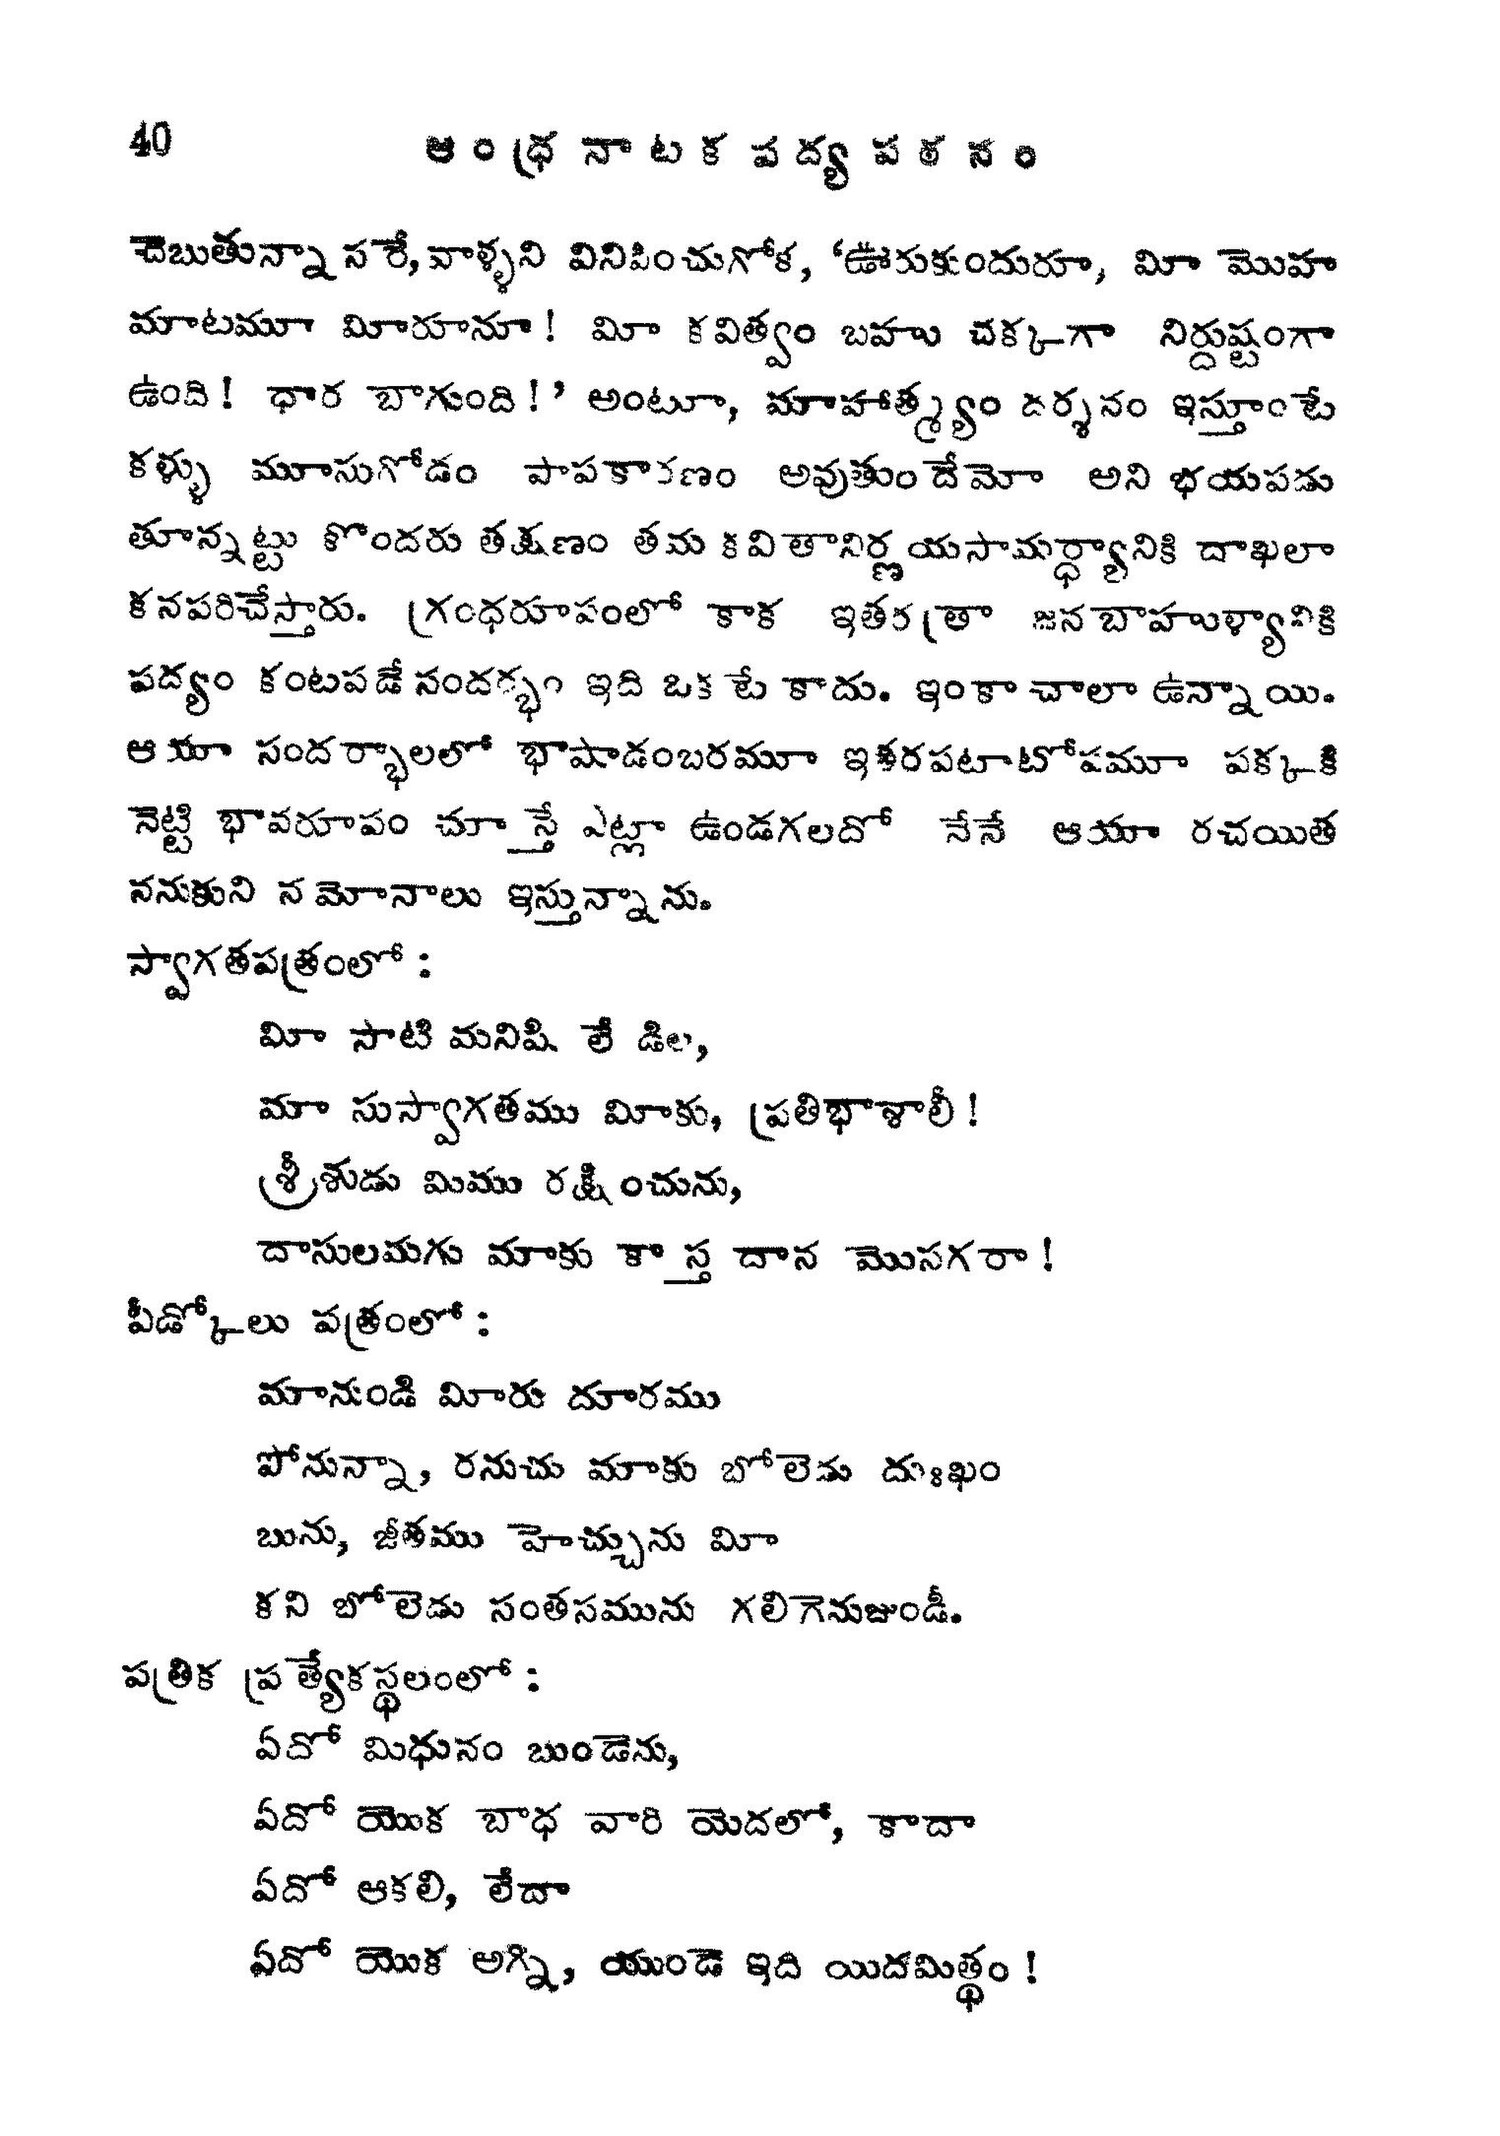చెబుతున్నాసరే, వాళ్ళని వినిపించుగోక, 'ఊరుకుందురూ, మీ మొహ
మాటమూ మీరూనూ ! మీ కవిత్వం బహు చక్కగా నిర్దుష్టంగా
ఉంది ! ధార బాగుంది!' అంటూ, మాహాత్మ్యం దర్శనం ఇస్తూంటే
కళ్ళు మూసుగోడం పాపకారణం అవుతుందేమో అని భయపడు
తూన్నట్టు కొందరు తక్షణం తమ కవితానిర్ణయసామర్ధ్యానికి దాఖలా
కనపరిచేస్తారు. గ్రంధరూపంలో కాక ఇతరత్రా జనబాహుళ్యానికి
పద్యం కంటపడేసందర్భం ఇది ఒకటే కాదు. ఇంకా చాలా ఉన్నాయి.
ఆయా సందర్భాలలో భాషాడంబరమూ ఇతరపటాటోపమూ పక్కకి
నెట్టి భావరూపం చూస్తే ఎట్లా ఉండగలదో నేనే ఆయా రచయిత
ననుకుని నమోనాలు ఇస్తున్నాను.

స్వాగతపత్రంలో :

మీ సాటి మనిషి లే డిల,
మా సుస్వాగతము మీకు, ప్రతిభాశాలీ!
శ్రీశుడు మిము రక్షించును,
దాసులమగు మాకు కాస్త దాన మొసగరా !

వీడ్కోలు పత్రంలో :

మానుండి మీరు దూరము
పోనున్నా, రనుచు మాకు బోలెడు దుఃఖం
బును, జీతము హెచ్చును మీ
కని బోలెడు సంతసమును గలిగెనుజుండీ.

పత్రిక ప్రత్యేకస్థలంలో :

ఏదో మిధునం బుండెను,
ఏదో యొక బాధ వారి యెదలో, కాదా
ఏదో ఆకలి, లేదా
ఏదో యొక అగ్ని, యుండె ఇది యిదమిత్థం !